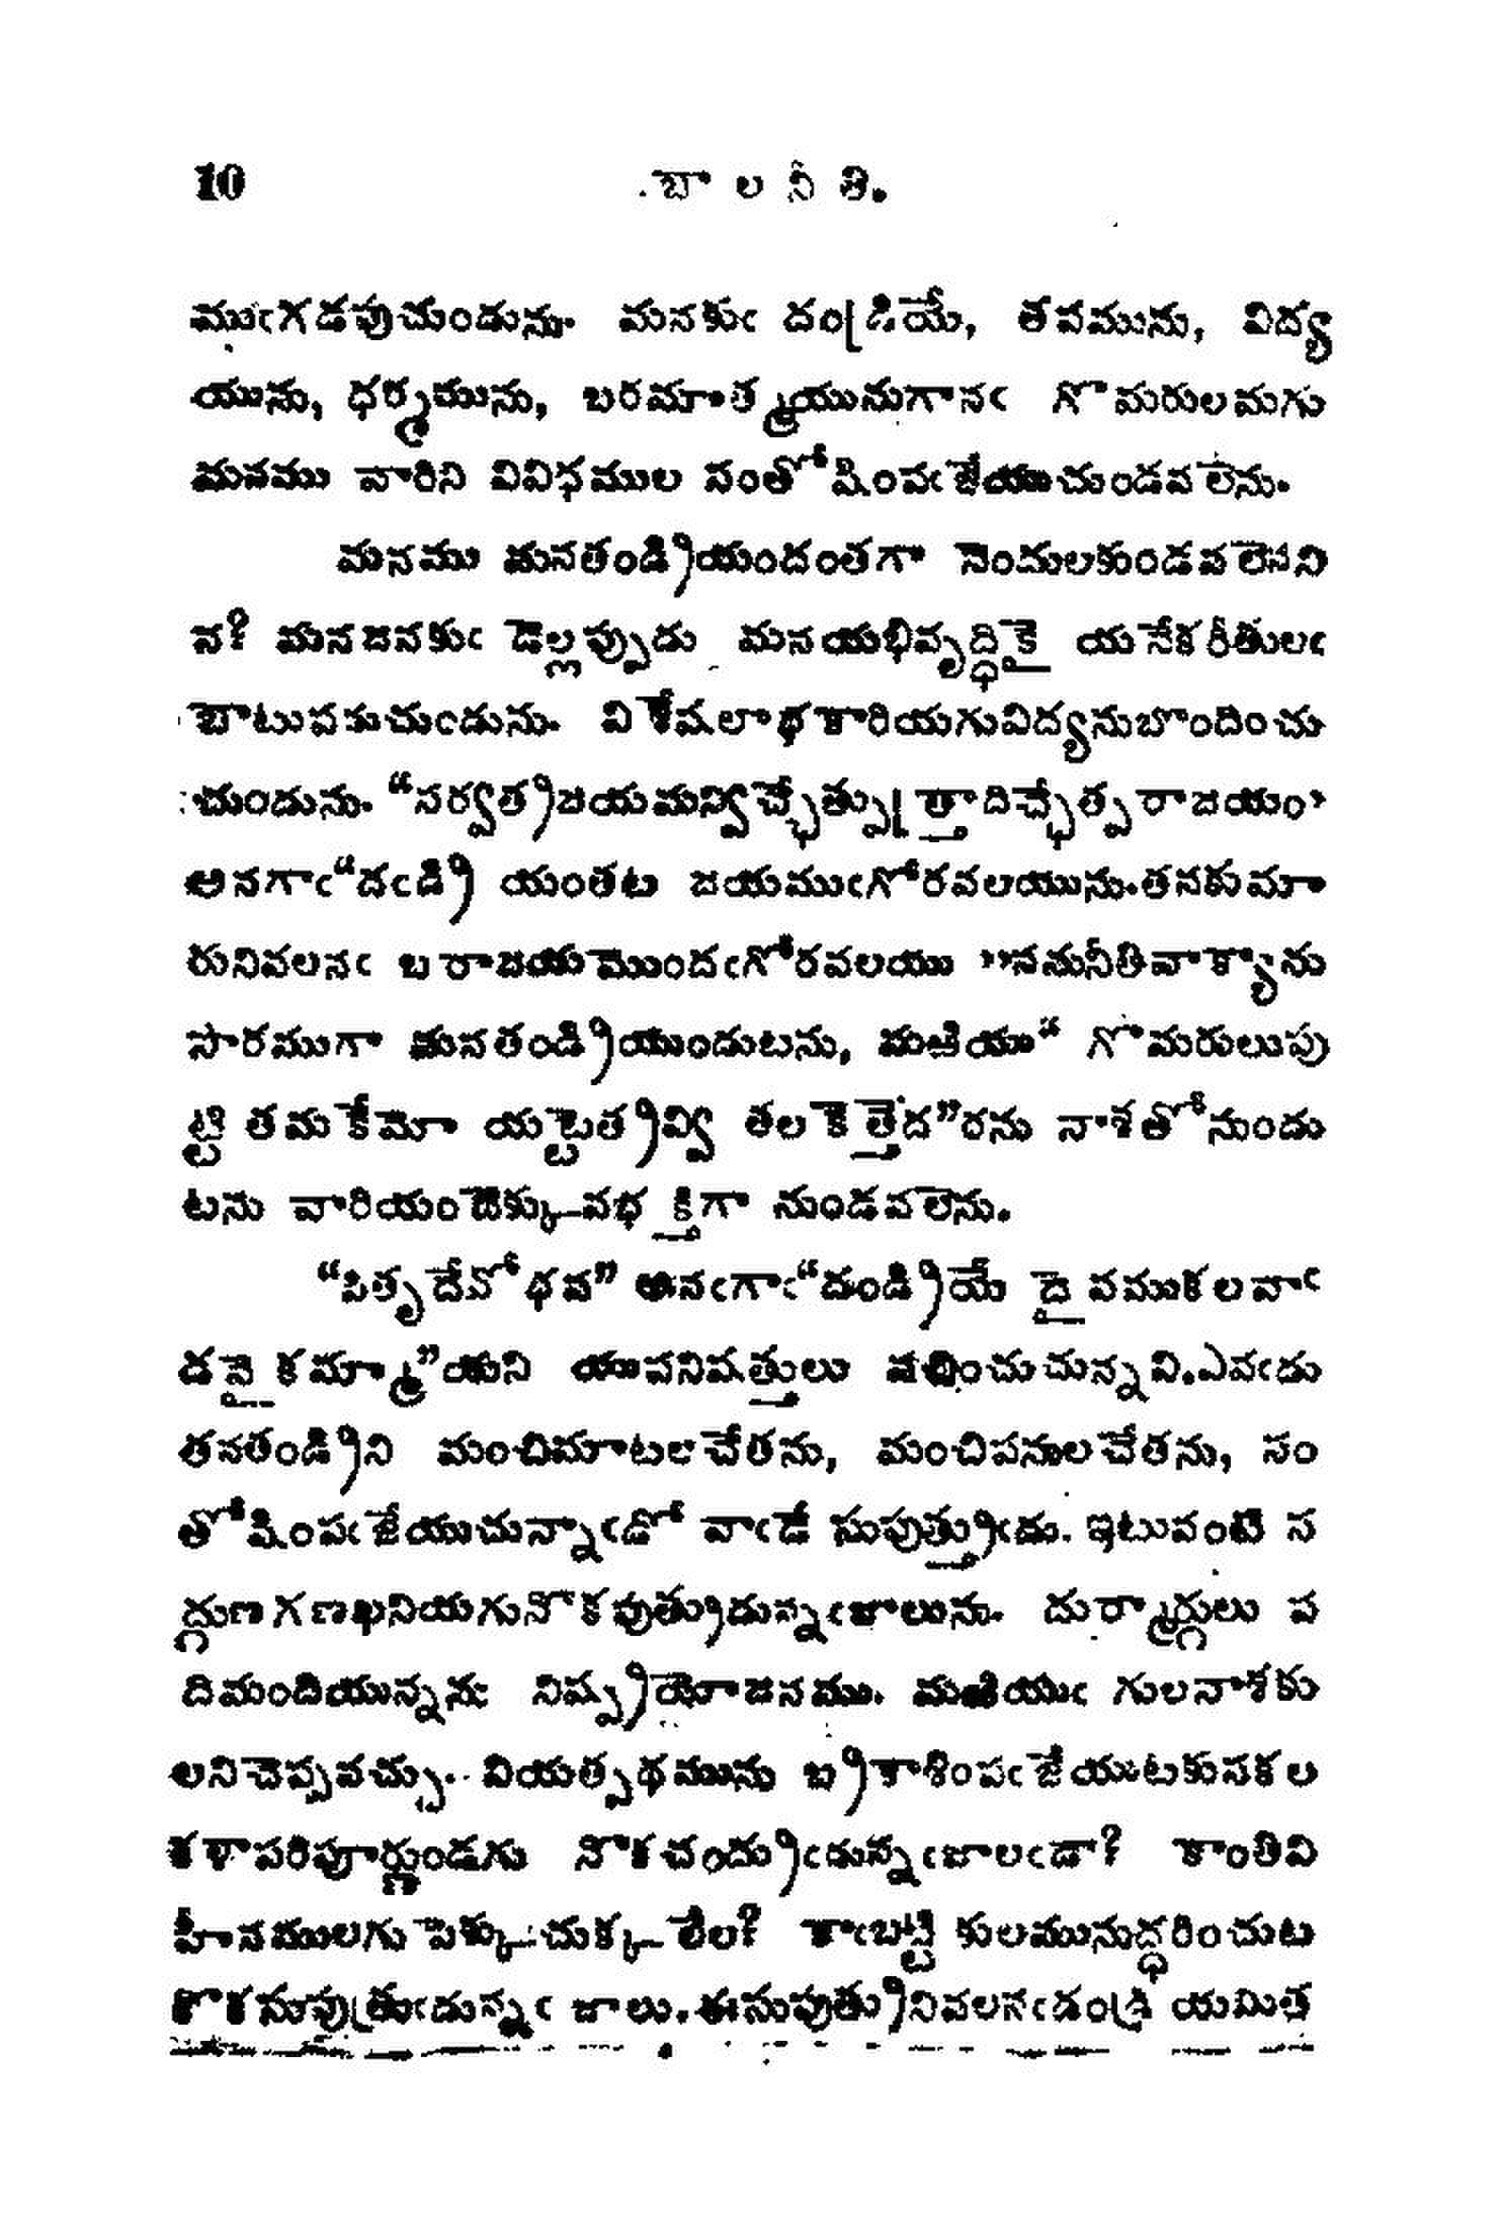ముఁగడపుచుండును. మనకుఁ దండ్రియే, తపమును, విద్య
యును, ధర్మమును, బరమాత్మయునుగానఁ గొమరులమగు 
మనము వారిని వివిధముల సంతోషింపఁజేయుచుండవలెను.

మనము మనతండ్రియందంతగా నెందులకుండవలెనని
న? మనజనకుఁ డెల్లప్పుడు మనయభివృద్ధికై యనేకరీతులఁ 
బాటుపడుచుండును. విశేషలాభకారియగువిద్యనుబొందించు
చుండును. "సర్వత్రజయమన్విచ్ఛేత్పుత్త్రాదిచ్ఛేత్పరాజయం" 
అనగాఁ"దండ్రి యంతట జయముఁగోరవలయును. తనకుమా
రునివలనఁ బరాజయమొందగోరవలయు" ననునీతివాక్యను 
సారముగా మనతండ్రియుండుటను, మఱియు "గొమరులుపు
ట్టి తమకేమో యట్టెత్రవ్వి తలకెత్తెద"రను నాశతోనుండు
టను వారియందెక్కువభక్తిగా నుండవలెను.
 
"పితృదేవోభవ" అనఁగాఁ"దండ్రియే దైవముకలవాఁ
డవైకమ్మా"యని యుపనిషత్తులు వచించుచున్నవి. ఎవఁడు 
తనతండ్రిని మంచిమాటలచేతను, మంచిపనులచేతను, సం
తోషింపఁజేయుచున్నాఁడో వాఁడే సుపుత్త్రుఁడు. ఇటువంటి స
ద్గుణగణఖనియగునొకపుత్రుడున్నఁజాలును. దుర్మార్గులు ప
దిమందియున్నను నిష్ప్రయోజనము. మఱియుఁ గులనాశకు 
లనిచెప్పవచ్చు. వియత్పధమును బ్రకాశింపఁజేయుటకుసకల 
కళాపరిపూర్ణుండగు నొకచంద్రుఁడున్నఁజాలఁడా? కాంతివి 
హీనములగు పెక్కుచుక్క లేల? కాఁబట్టి కులమునుద్ధరించుట 
కొకసుపుత్రుఁడున్నఁ జాలు. ఈసుపుత్రునివలనఁదండ్రి యమిత